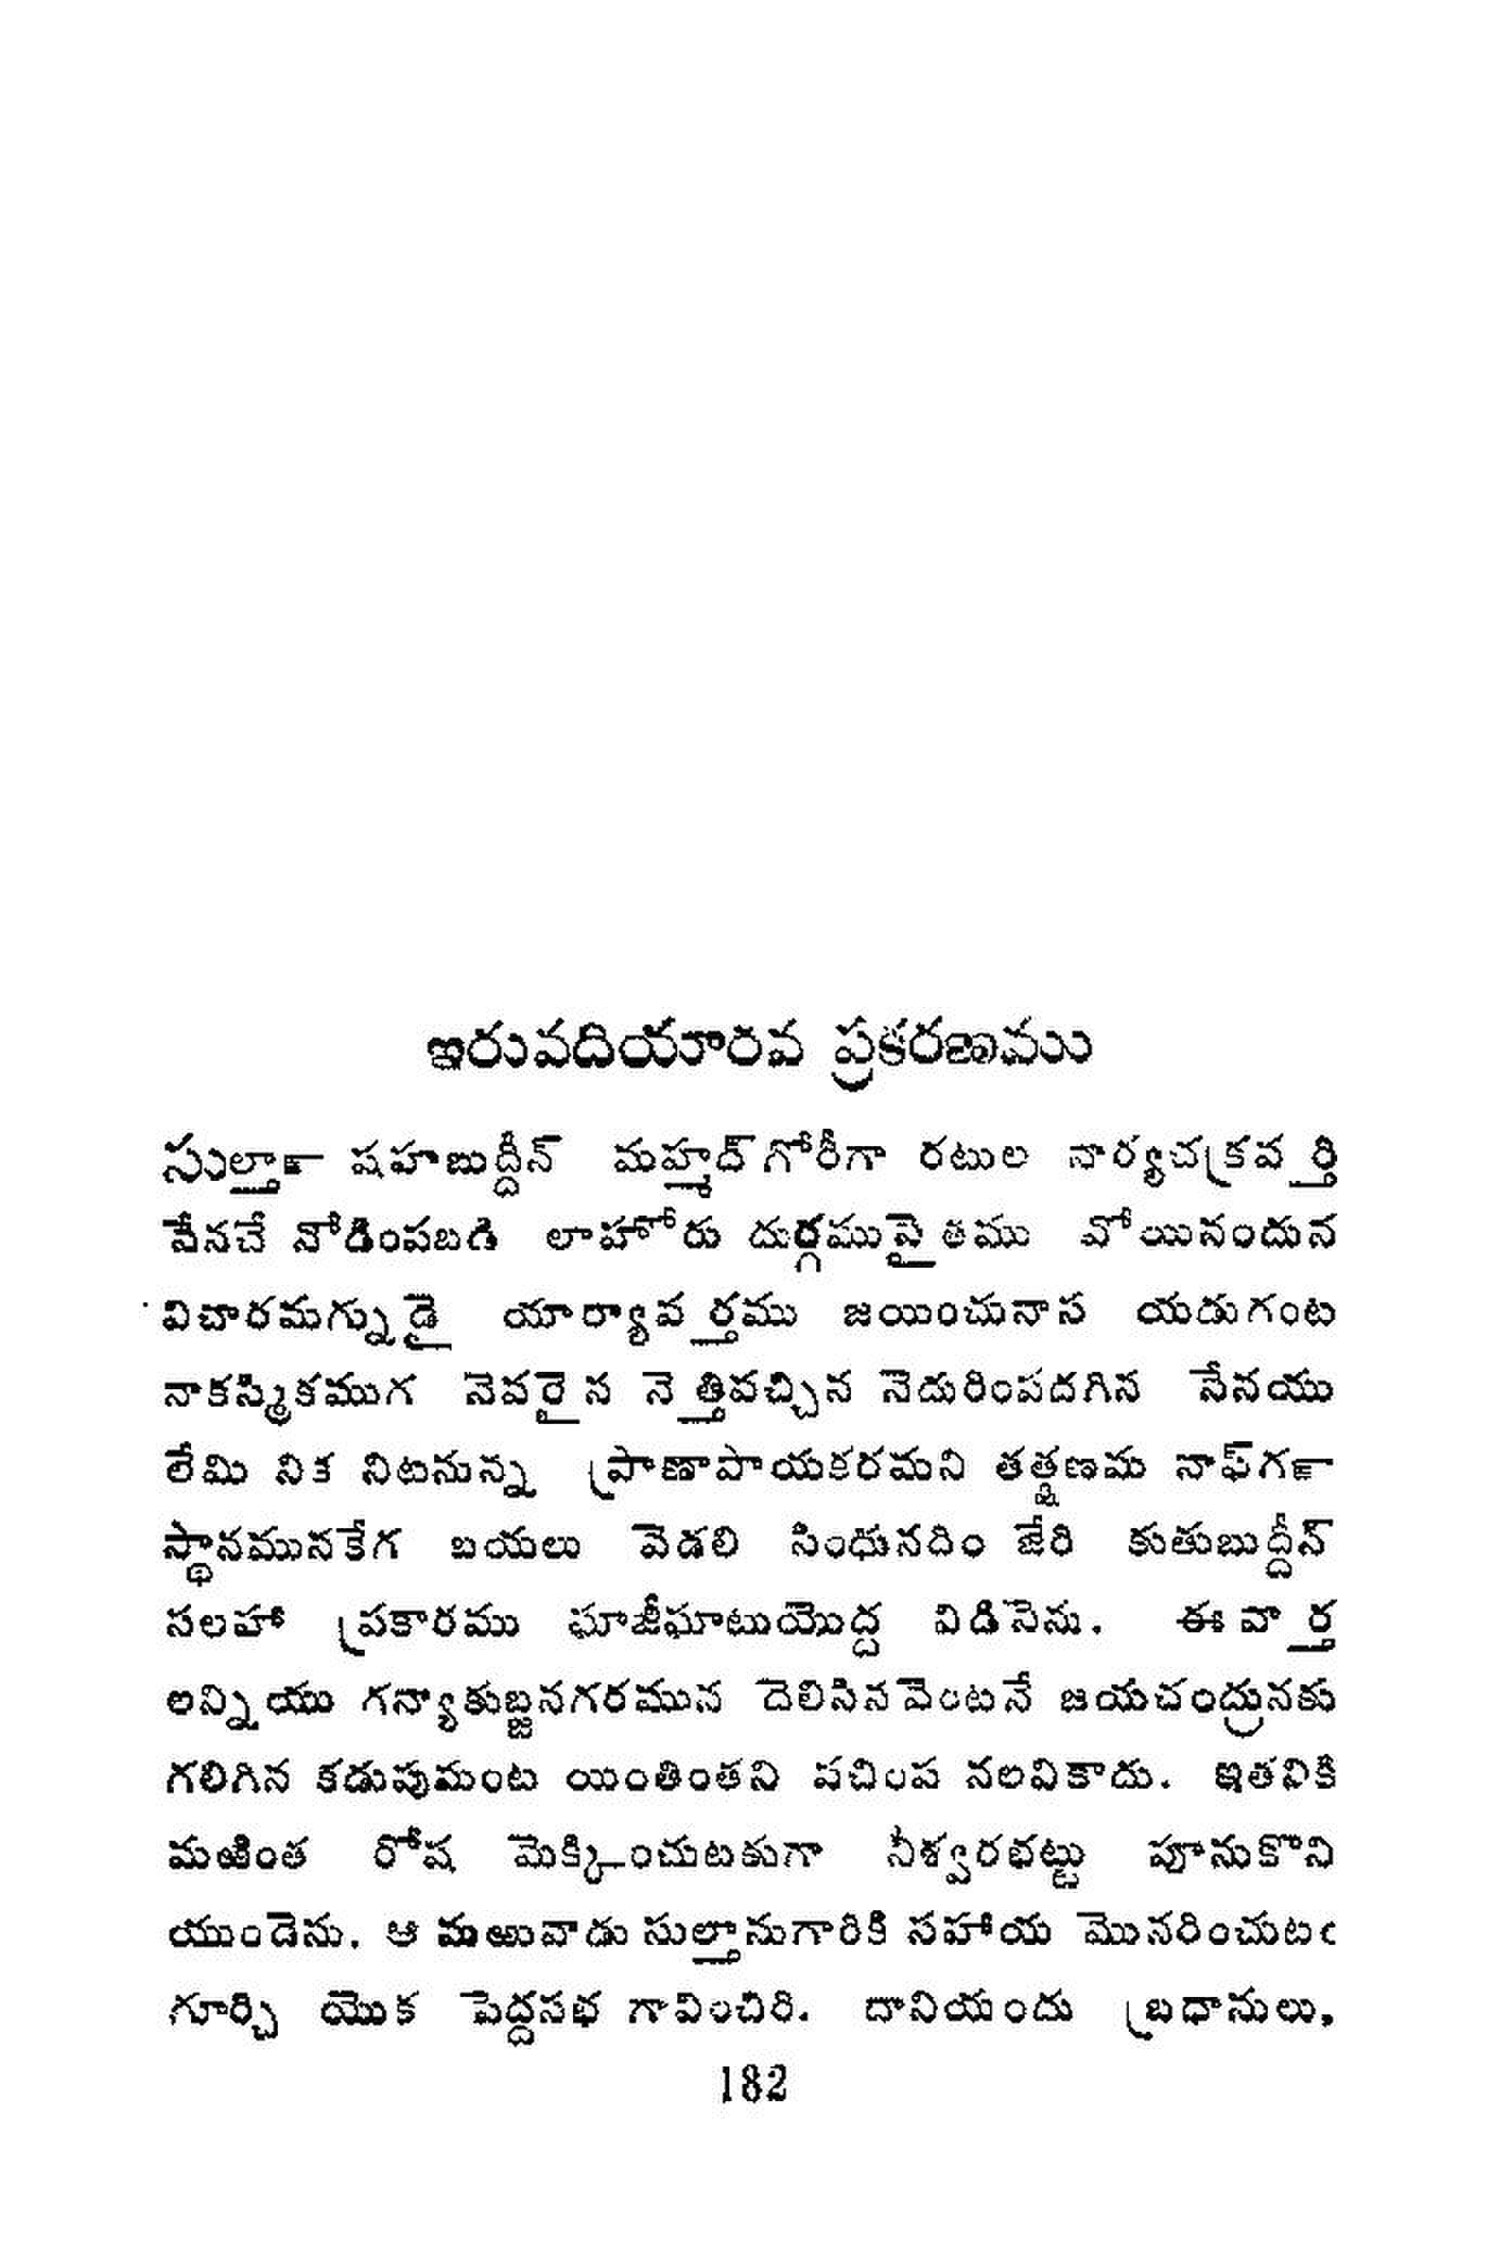ఇరువదియారవ ప్రకరణము

ల్తా౯ షహబుద్దీన్ మహద్‌గోరీగా రటుల నార్యచక్రవర్తి సేనచే నోడింపబడి లాహోరు దుర్గముసైతము వోయినందున విచారమగ్నుడై యార్యావర్తము జయించునాస యడుగంట నాకస్మికముగ నెవరైన నెత్తివచ్చిన నెదురింపదగిన సేనయు లేమి నిక నిటనున్న ప్రాణాపాయకరమని తక్షణమ నాఫ్‌గ౯ స్థానమునకేగ బయలు వెడలి సింధునదిం జేరి కుతుబుద్దీన్ సలహా ప్రకారము ఘాజీఘాటుయొద్ద విడిసెను. ఈ వార్తలన్నియు గన్యాకుబ్జనగరమున దెలిసినవెంటనే జయచంద్రునకు గలిగిన కడుపుమంట యింతింతని వచింప నలవికాదు. ఇతనికి మఱింత రోష మెక్కించుటకుగా నీశ్వరభట్టు పూనుకొని యుండెను. ఆ మఱువాడు సుల్తానుగారికి సహాయ మొనరించుటఁ గూర్చి యొక పెద్దసభ గావించిరి. దానియందు బ్రధానులు,